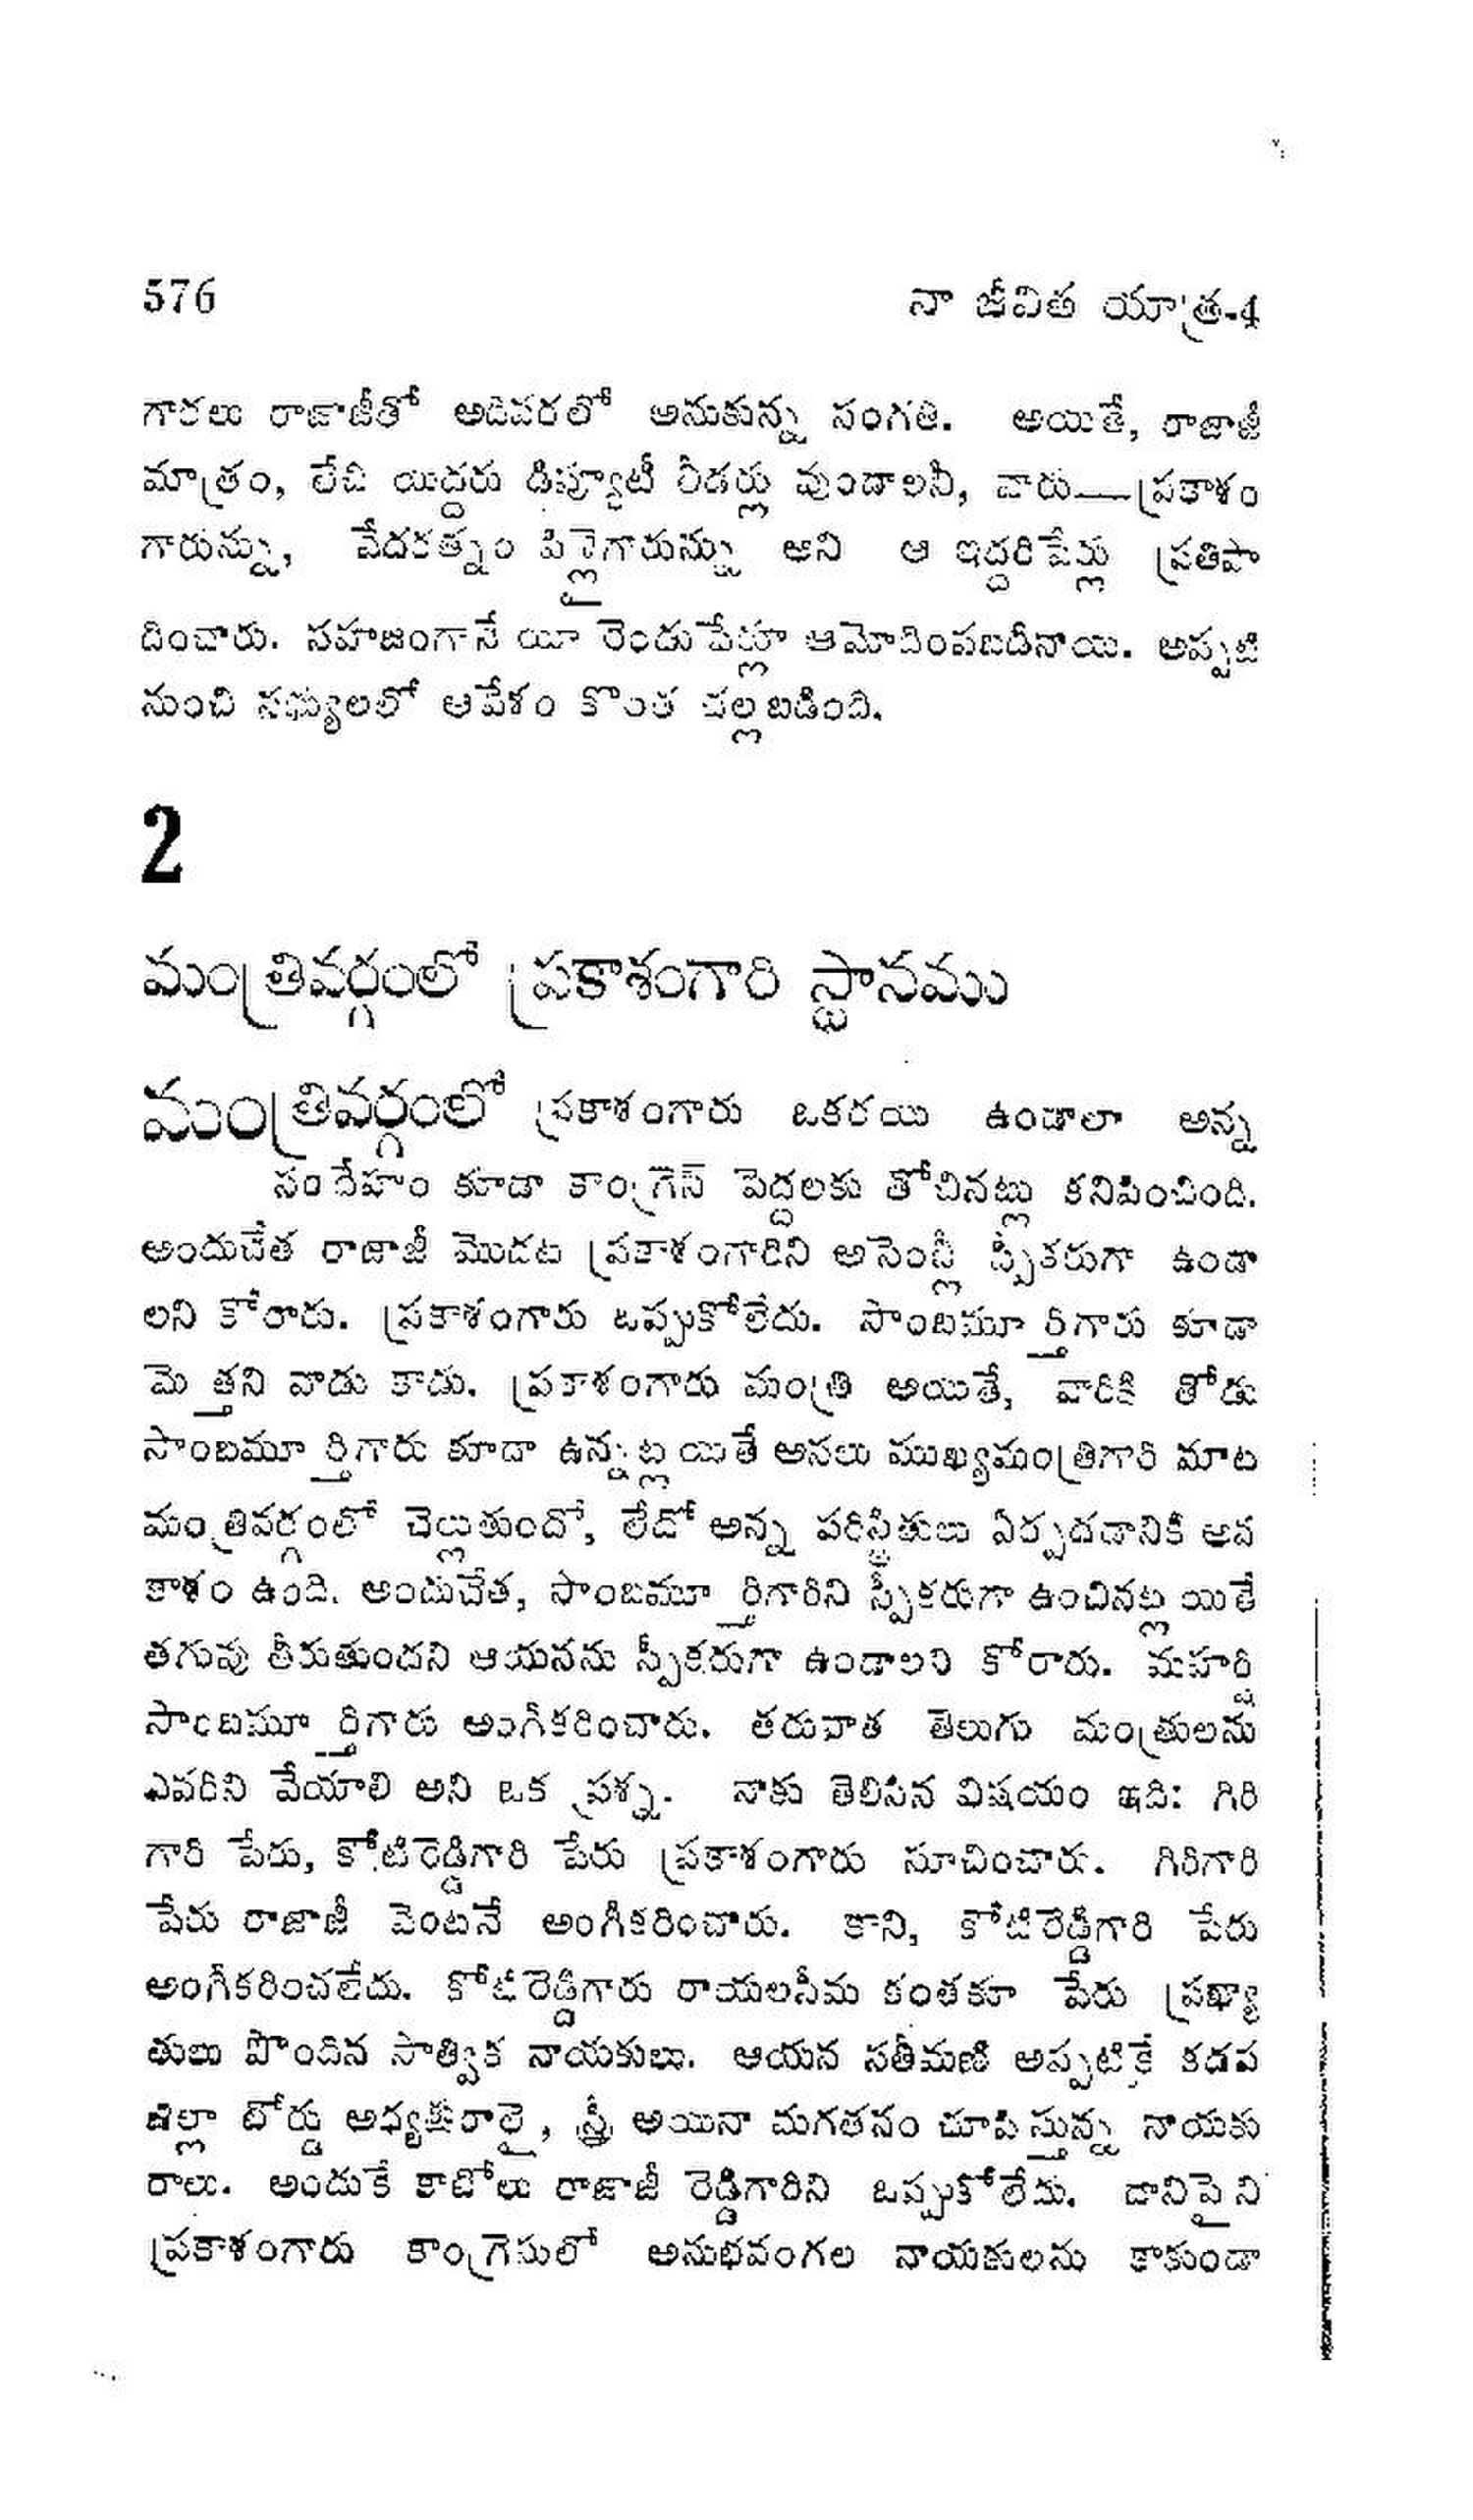గారలు రాజాజీతో అదివరలో అనుకున్న సంగతి. అయితే, రాజాజీ మాత్రం, లేచి యిద్దరు డిప్యూటీ లీడర్లు వుండాలనీ, వారు - ప్రకాశం గారున్ను, వేదరత్నం పిళ్లైగారున్ను అని ఆ ఇద్దరిపేర్లు ప్రతిపాదించారు. సహజంగానే యీ రెండుపేర్లూ ఆమోదింపబడినాయి. అప్పటి నంచి సభ్యులలో ఆవేశం కొంత చల్లబడింది.

మంత్రివర్గంలో ప్రకాశంగారు ఒకరయి ఉండాలా అన్న సందేహం కూడా కాంగ్రెస్ పెద్దలకు తోచినట్లు కనిపించింది. అందుచేత రాజాజీ మొదట ప్రకాశంగారిని అసెంబ్లీ స్పీకరుగా ఉండాలని కోరారు. ప్రకాశంగారు ఒప్పుకోలేదు. సాంబమూర్తిగారు కూడా మెత్తని వాడు కాడు. ప్రకాశంగారు మంత్రి అయితే, వారికితోడు సాంబమూర్తిగారు కూడా ఉన్నట్లయితే అసలు ముఖ్యమంత్రిగారి మాట మంత్రివర్గంలో చెల్లుతుందో, లేదో అన్న పరిస్థితులు ఏర్పడడానికి అవకాశం ఉంది. అందుచేత, సాంబమూర్తిగారిని స్పీకరుగా ఉంచినట్లయితే తగువు తీరు తుందని ఆయనను స్పీకరుగా ఉండాలని కోరారు. మహర్షి సాంబమూర్తిగారు అంగీకరించారు. తరువాత తెలుగు మంత్రులను ఎవరిని వేయాలి అని ఒక ప్రశ్న. నాకు తెలిసిన విషయం ఇది: గిరిగారి పేరు, కోటిరెడ్డిగారి పేరు ప్రకాశంగారు సూచించారు. గిరిగారి పేరు రాజాజీ వెంటనే అంగీకరించారు. కాని, కోటిరెడ్డిగారి పేరు అంగీకరించలేదు. కోటిరెడ్డిగారు రాయలసీమ కంతకూ పేరు ప్రఖ్యాతులు పొందిన సాత్విక నాయకులు. ఆయన సతీమణి అప్పటికే కడపజిల్లా బోర్డు అధ్యక్షురాలై, స్త్రీ అయినా మగతనం చూపిస్తున్న నాయకురాలు. అందుకే కాబోలు రాజాజీ రెడ్డిగారిని ఒప్పుకోలేదు. దానిపైన ప్రకాశంగారు కాంగ్రెసులో అనుభవంగల నాయకులను కాకుండా